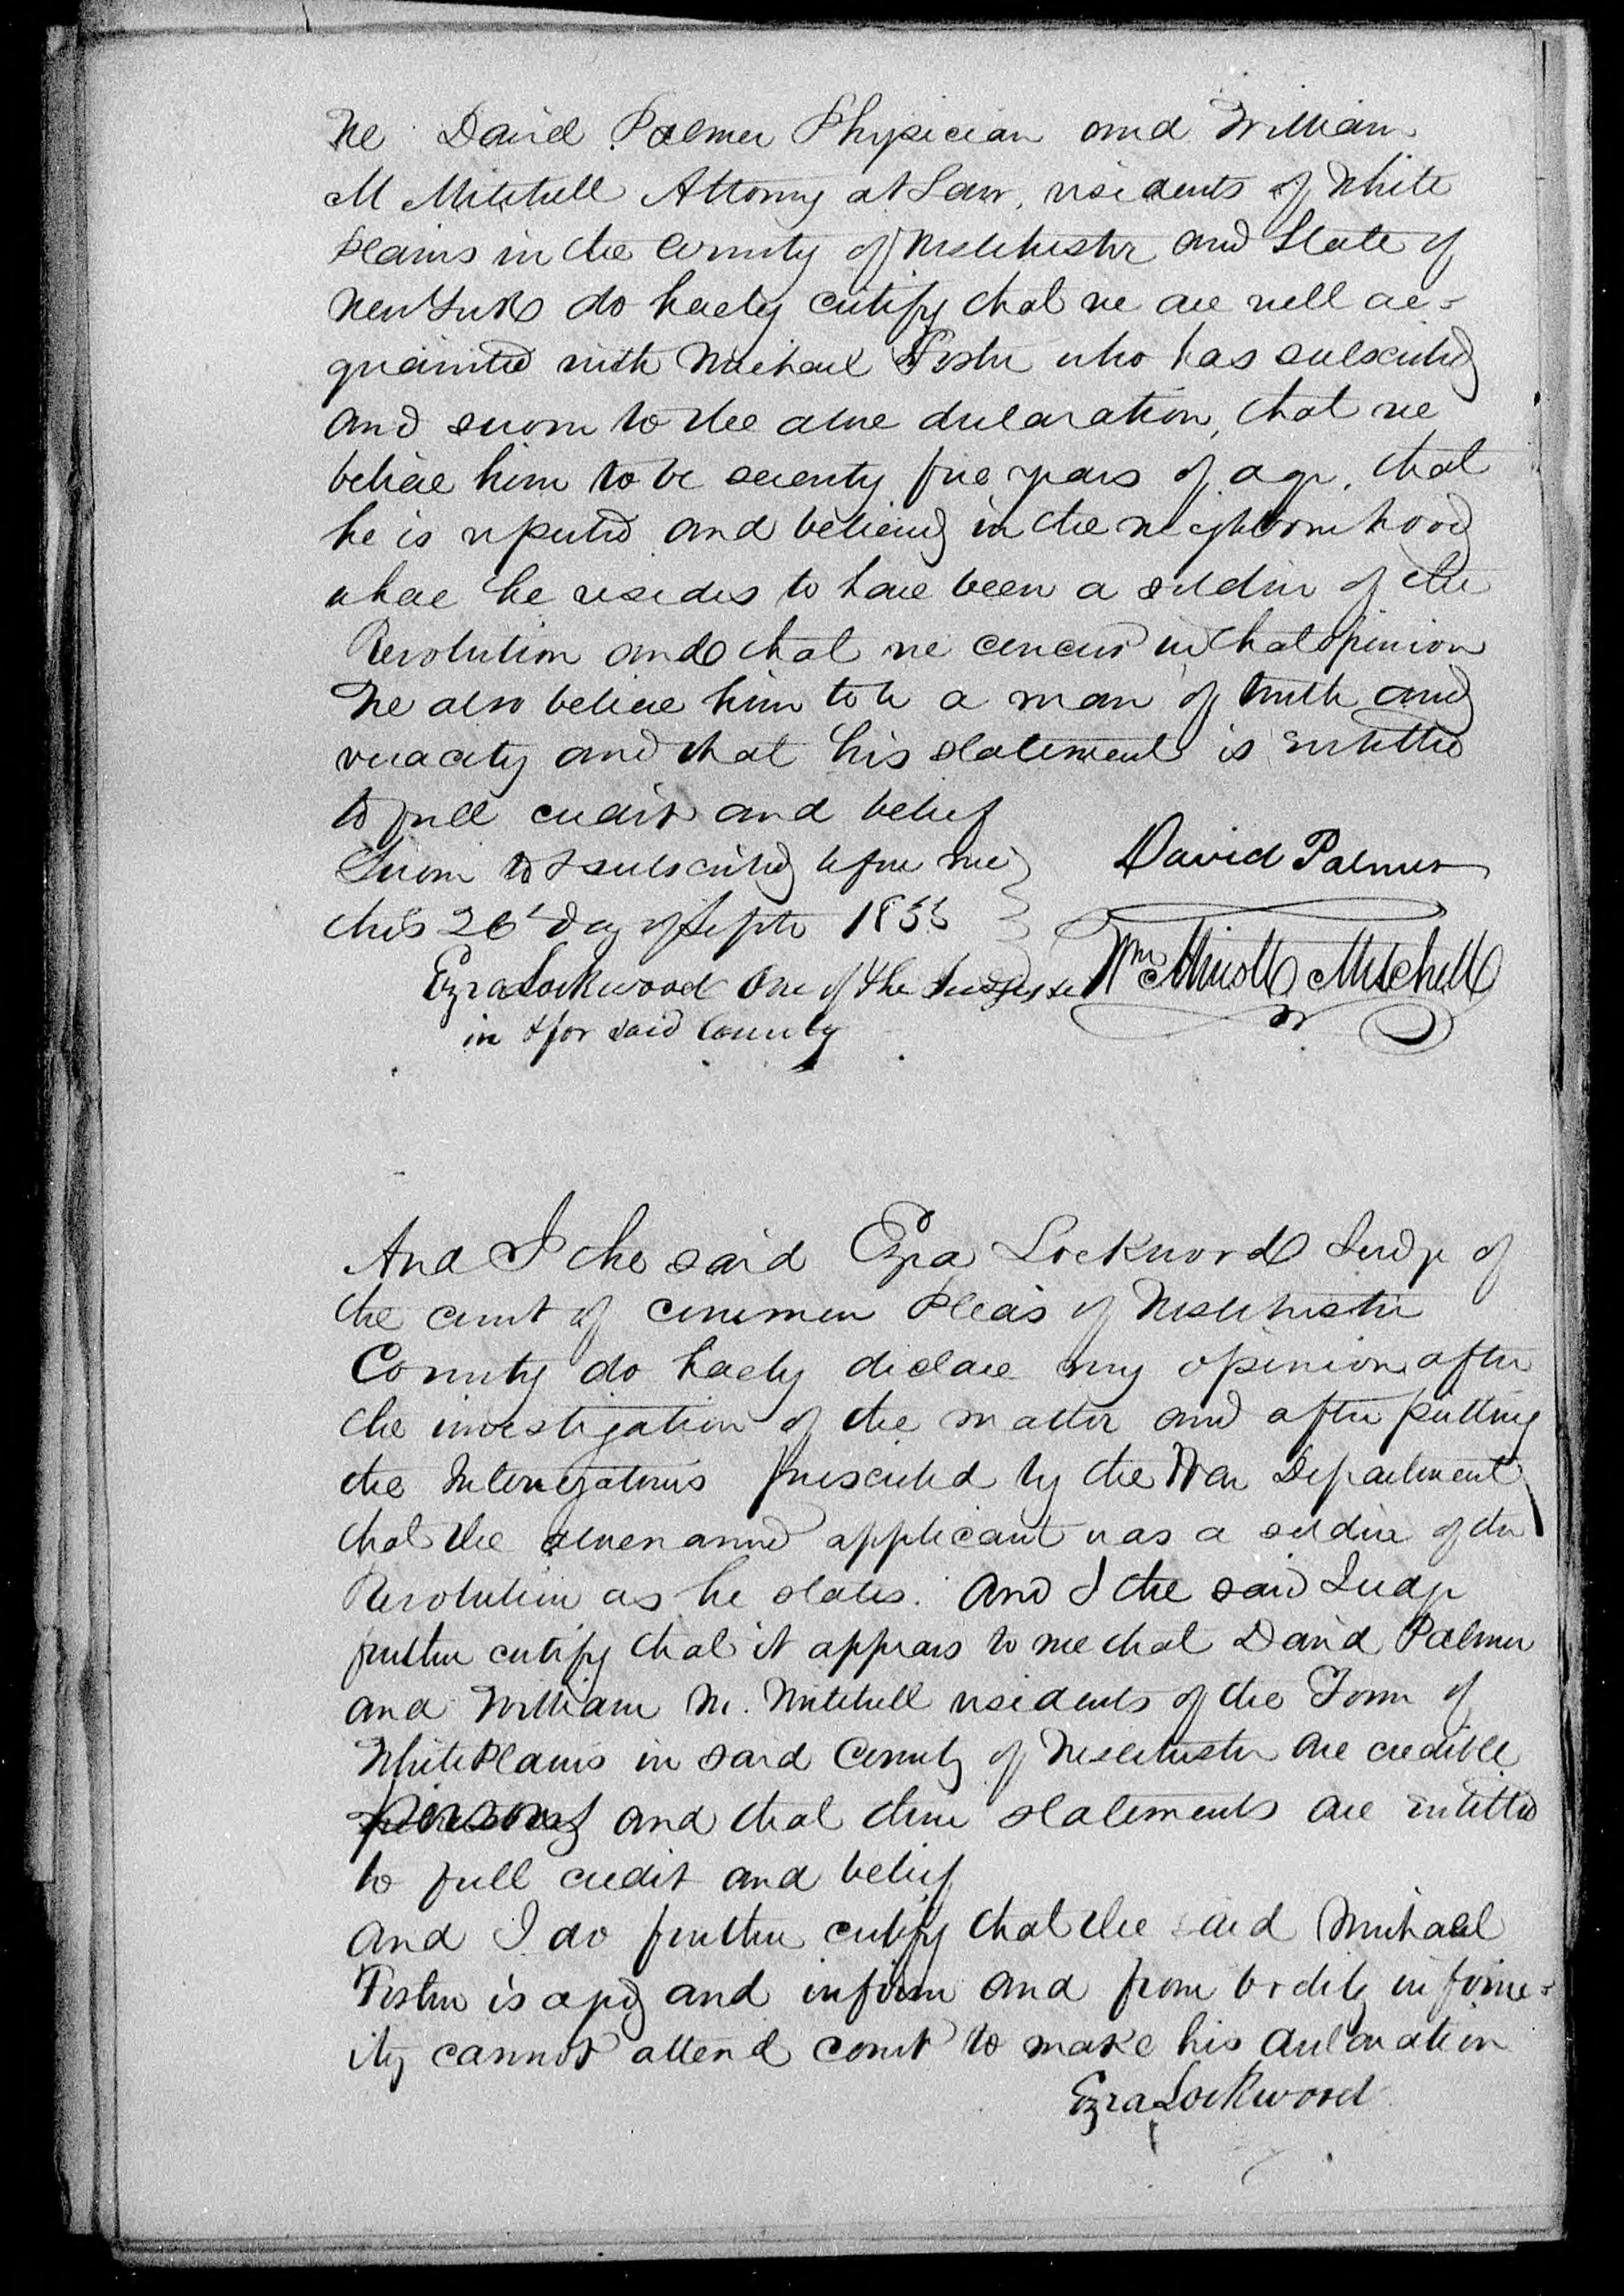RE David Palmer Physician and William M. Mitchell Attorney at Law, residences of White Plains in the county of West Chester and State of New York do hereby certify that we are well acquainted with Michael Foster who has subscribed and sworn to the above declaration, that we believe him to be seventy five years of age, that he is reputed and believed in the neighborhood where he resides to have been a soldier of the Revolution and that we concur in that opinion We also believe him to be a man of truth and veracity and that his statement is entitled to full credit and belief
David Palmer
Wm. Minott Mitchell

Sworn & subscribed before me this 26th day of Sept. 1833
Ezra Lockwood One of the Judges in and fore said County

And I the said Ezra Lockwood Judge of the Court of Common Pleas of West Chester County do hereby declare my opinion after the investigation prescribed by the War Department that the above named applicant was a soldier of the Revolution as he states. And I the Judge further certify that it appears to me that David Palmer and William M. Mitchell residents of the Town of White Plains in said County of West Chester are credible persons and that their statements are entitled to full credit and belief.
And I do further certify that the said Michael Fisher is aged and infirm and from bodily infirmity cannot attend court to make his declaration. 
Ezre Lockwood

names: Wm Minott Mitchell, Michael Foster, David Palmer, Ezra Lockwood, William M Mitchell, David Palmer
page: 10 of 57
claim: widow's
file: W. 5275 1/2, Michael Foster, Penn.